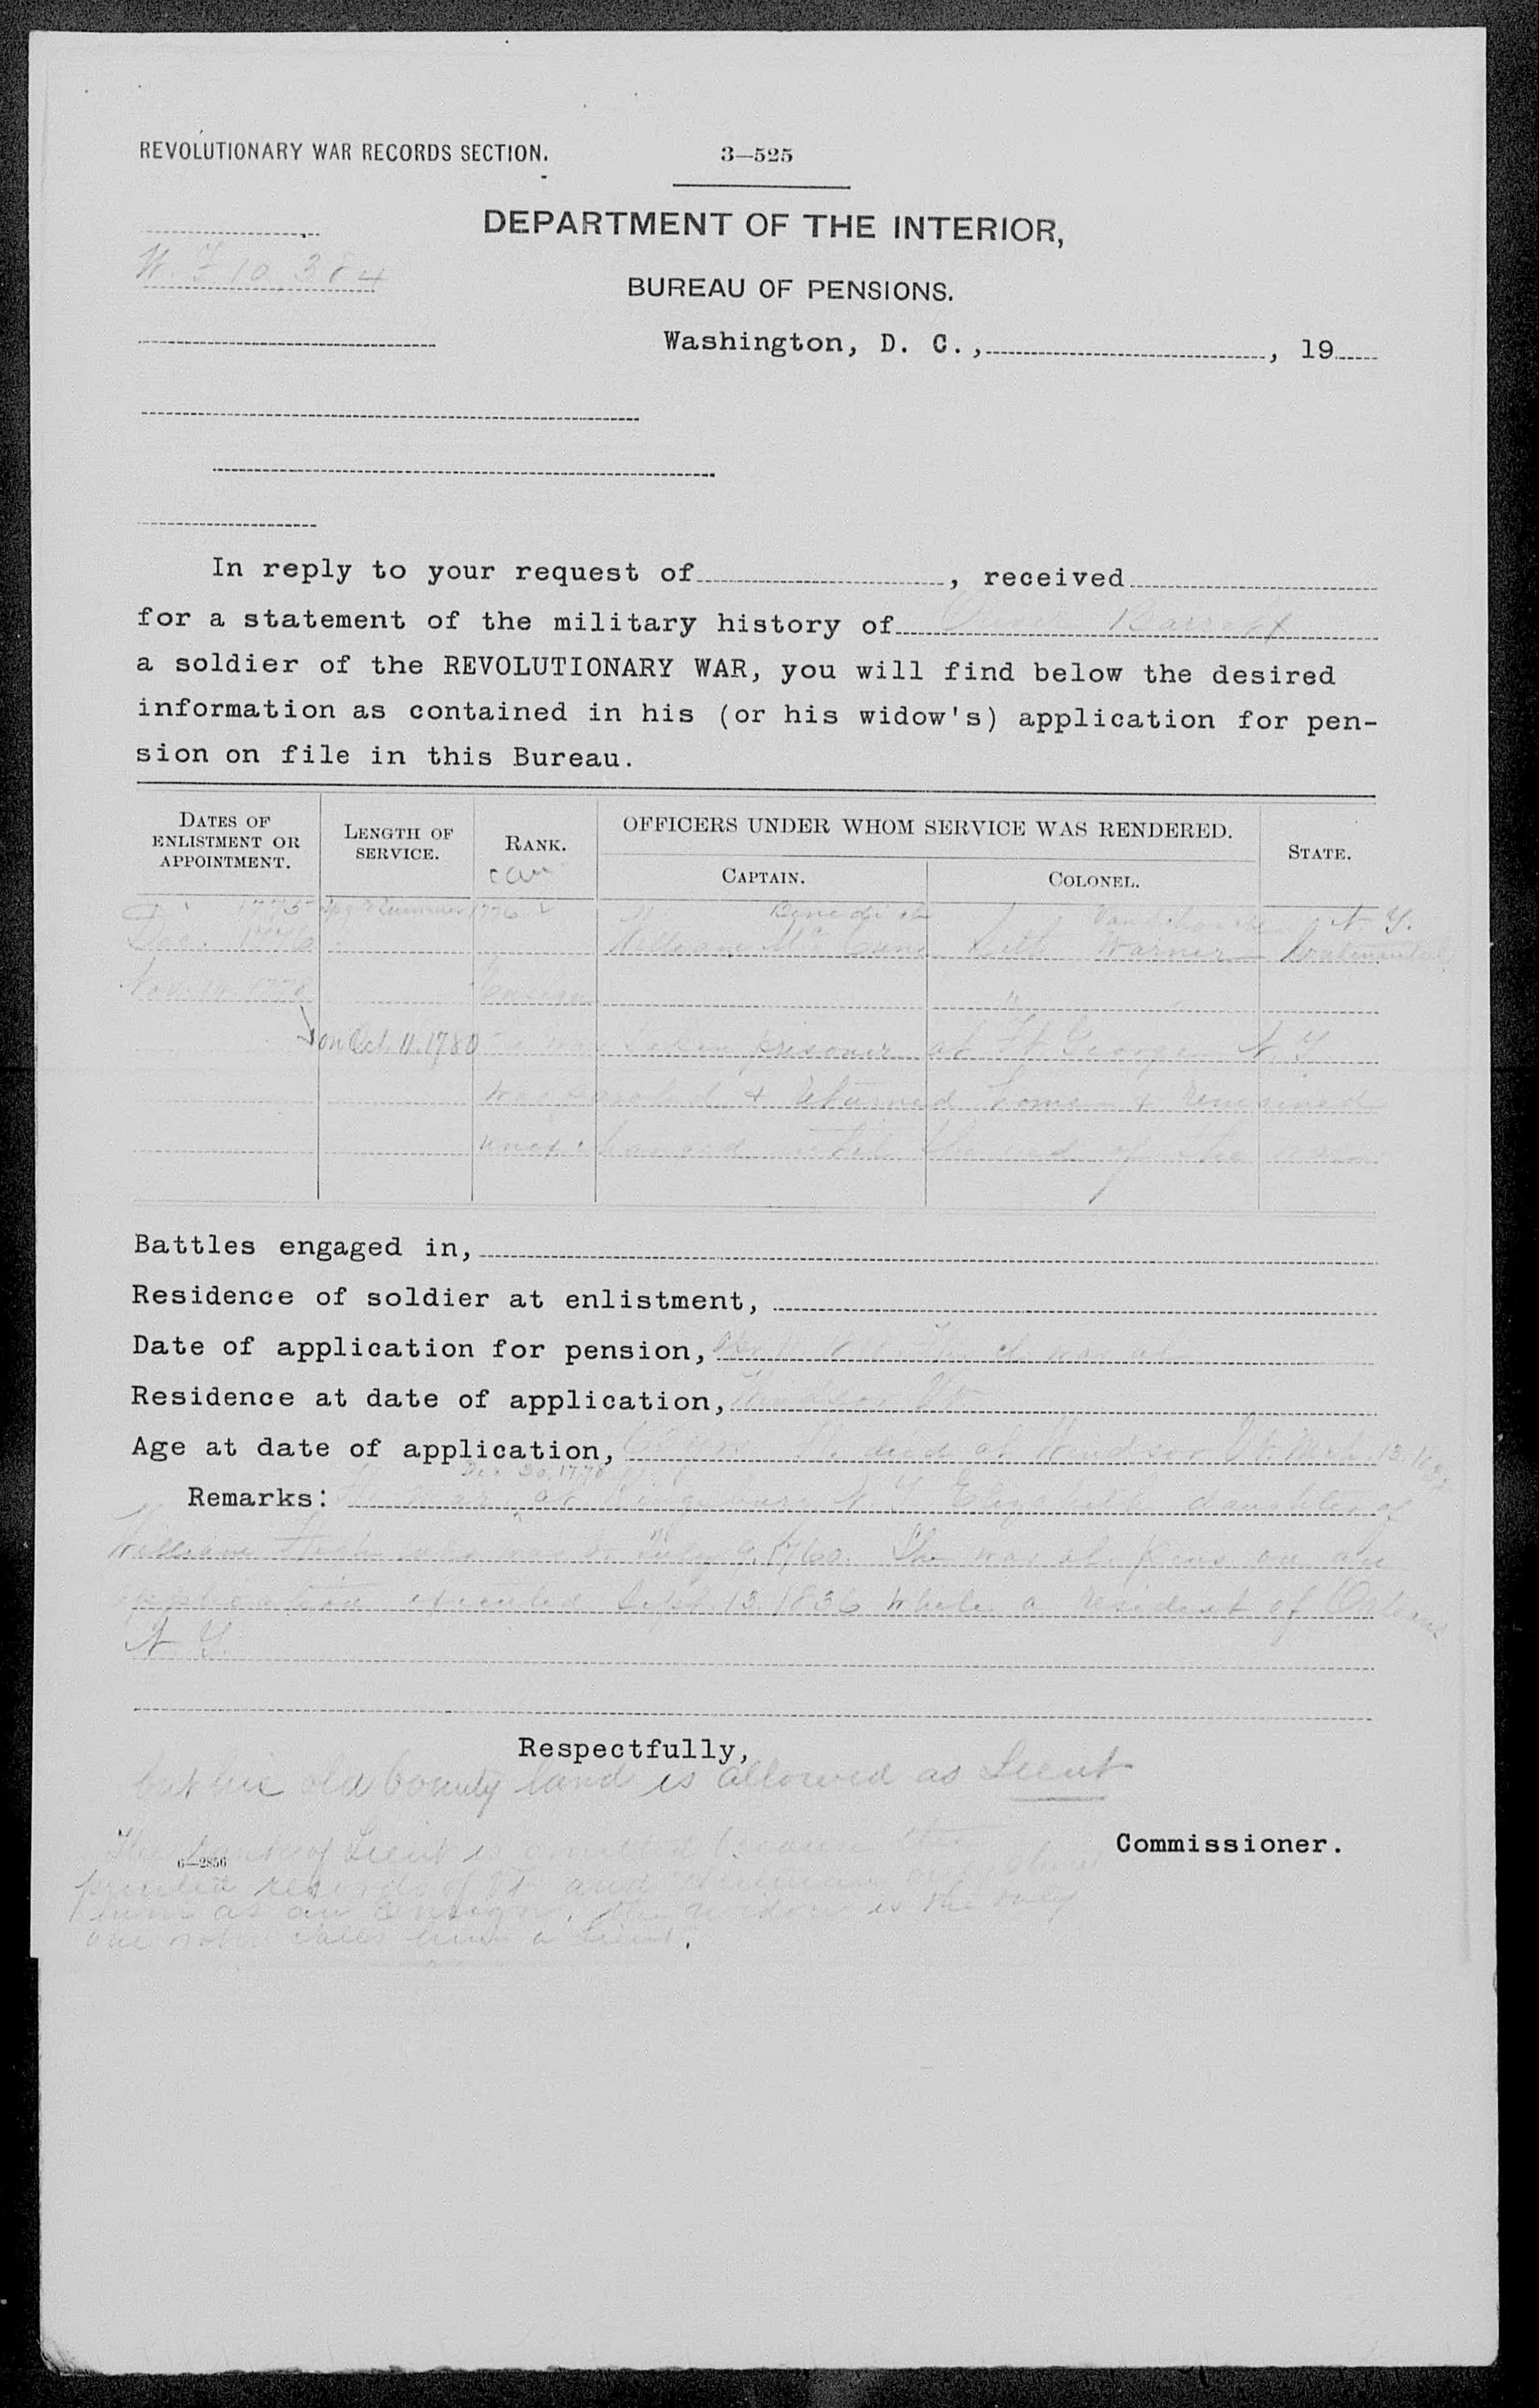REVOLUTIONARY WAR RECORDS SECTION. 
3-525
DEPARTMENT OF THE INTERIOR
W. F. 10. 384
BUREAU OF PENSIONS.
Washington, D. C., ______________, 19___
______________
______________
_______________
In reply to your request of ____________, received _____________________ for a statement of the military history of __Oliver Barrett___ as soldier of the REVOLUTIONARY WAR, you will find below the desired information as contained in his (or his widow's) application for pension on file in this Bureau.
_____________________________________
[Column Headers}
DATES OF ENLISTMENT OR APPOINTMENT.
LENGTH OF SERVICE.
RANK.
OFFICERS UNDER WHO SERVICE WAS RENDERED.  CAPTAIN.   COLONEL..
STATE.

Dec. 1775  1776
[illegible too faint] 1776
William McCune     Benedict
Seth Warner   Vandehouse
N.Y.  Continental

Nov. 11 1778 [arrow to] on Oct 11 1780
[illegible rank]
He was taken prisoner at Ft. George N. Y. 
was paroled & returned home & reassigned
unexchanged until the end of the war.

Battles engaged in, __________________
Residence of soldier at enlistment, __________________
Date of application for pension __
Residence at date application, __Hudson, Vt.__
Age at date of application, __62[?] yrs.  He died at Hudson Vt. Mch 13, 1832.  
Remarks: __ He was Dec 30 1778 at Kingsburg N. Y.  Elizabeth daughter of William Hick who was of July 9, 1760,  She was at pens. on an application executed Sept 13, 1836 while a resident of Orleans N. Y. __

Respectfully,
but his old county land is allowed a lien &
The rank of Lieut is omitted because the p**** records of Vt. and William only have him as an Ensign , the widow is the only one  that calls him a Lieut.

Commissioner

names: Benedict, Seth Warner, Oliver Barrett, William, William Finch, Elizabeth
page: 82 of 83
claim: widow's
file: W. 10,384, Oliver Barrett, Continental (Vt.) N.Y.